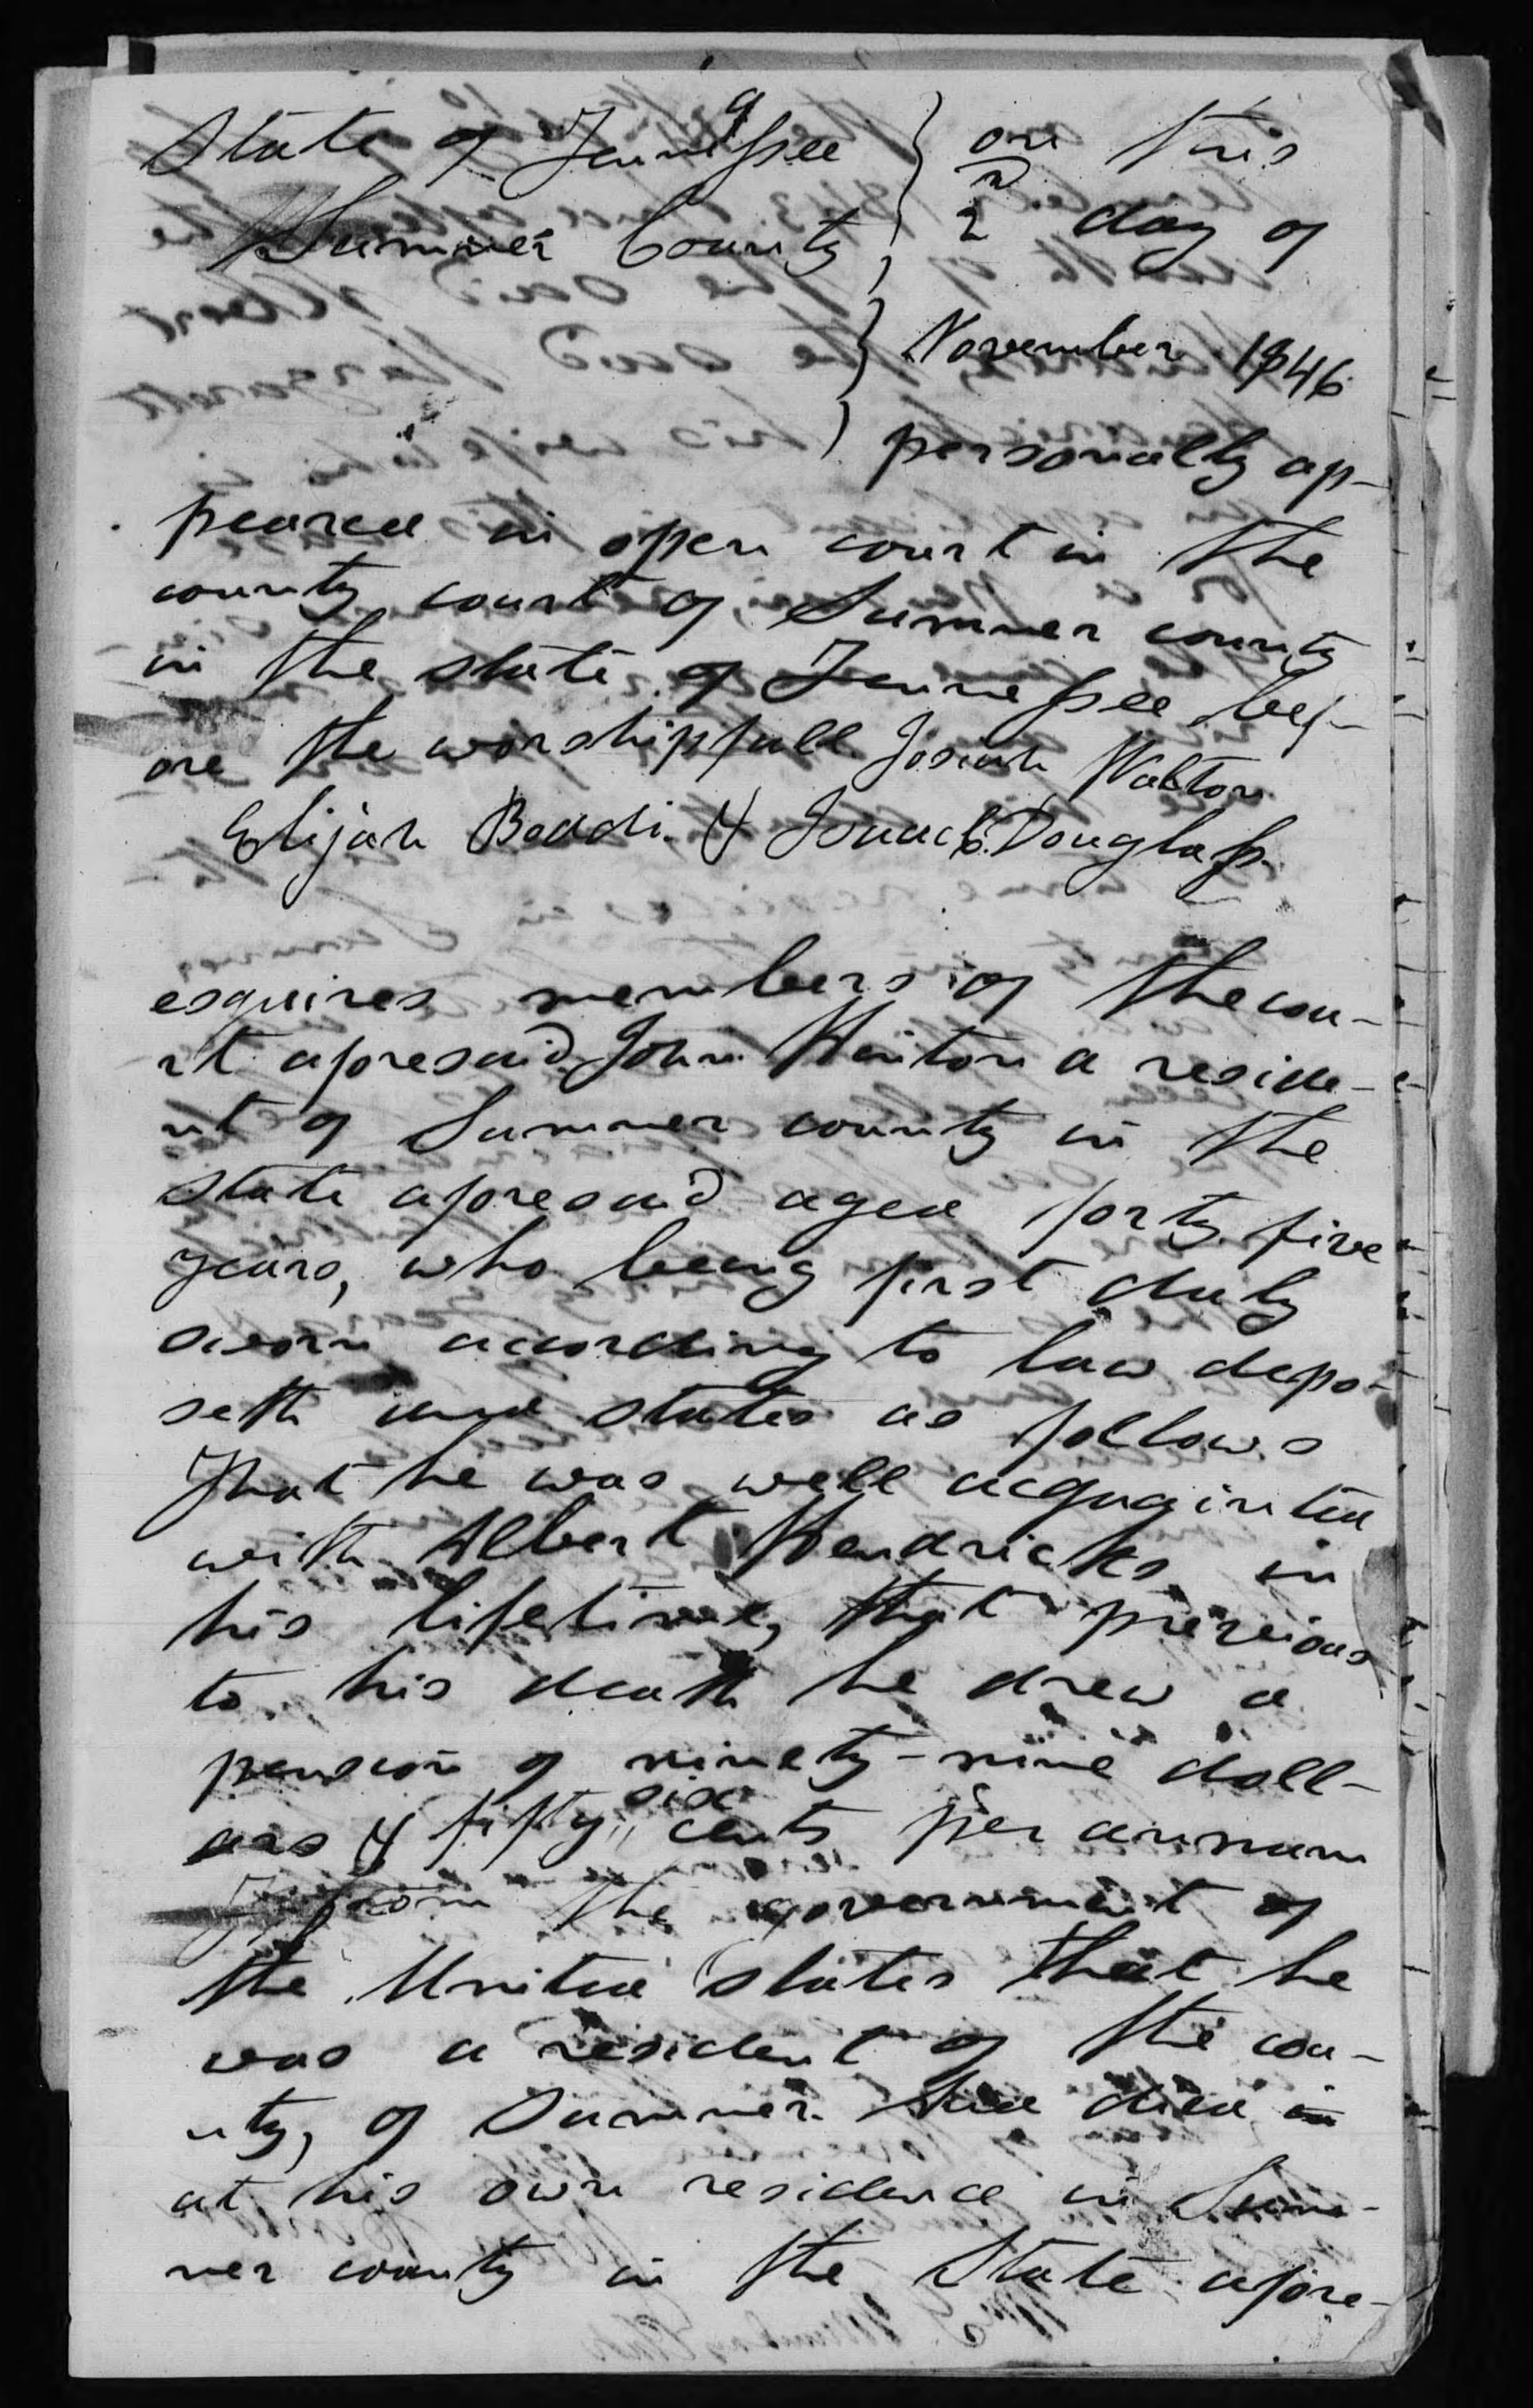State of Tennessee Summer County
On this 2d day of November 1846 personally appeared in open court in the county court of Summer county in the state of Tennessee before the worshipfull Josiah Walton Elijah Boddi & Isaac C. Douglass esquires members of the court aforesaid John Hinton a resident of Summer county in the state aforesaid aged forty five years, who being first duly sworn according to law deposeth and states as follows. That he was well acquainted with Albert Hendricks in his lifetime, that previous to his death he drew a pension of ninety-nine dollars & fifty six cents per annum from the government of the United States. That he was a resident of the county, of Summer. And died at his own residence in Summer county in the state afore-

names: Josiah Walton, Elijah Boddi, Albert Hendricks, Isaac C Douglass, John Hinton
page: 31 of 76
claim: widow's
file: W. 83, Albert Hendricks, Continental Md. N.C.